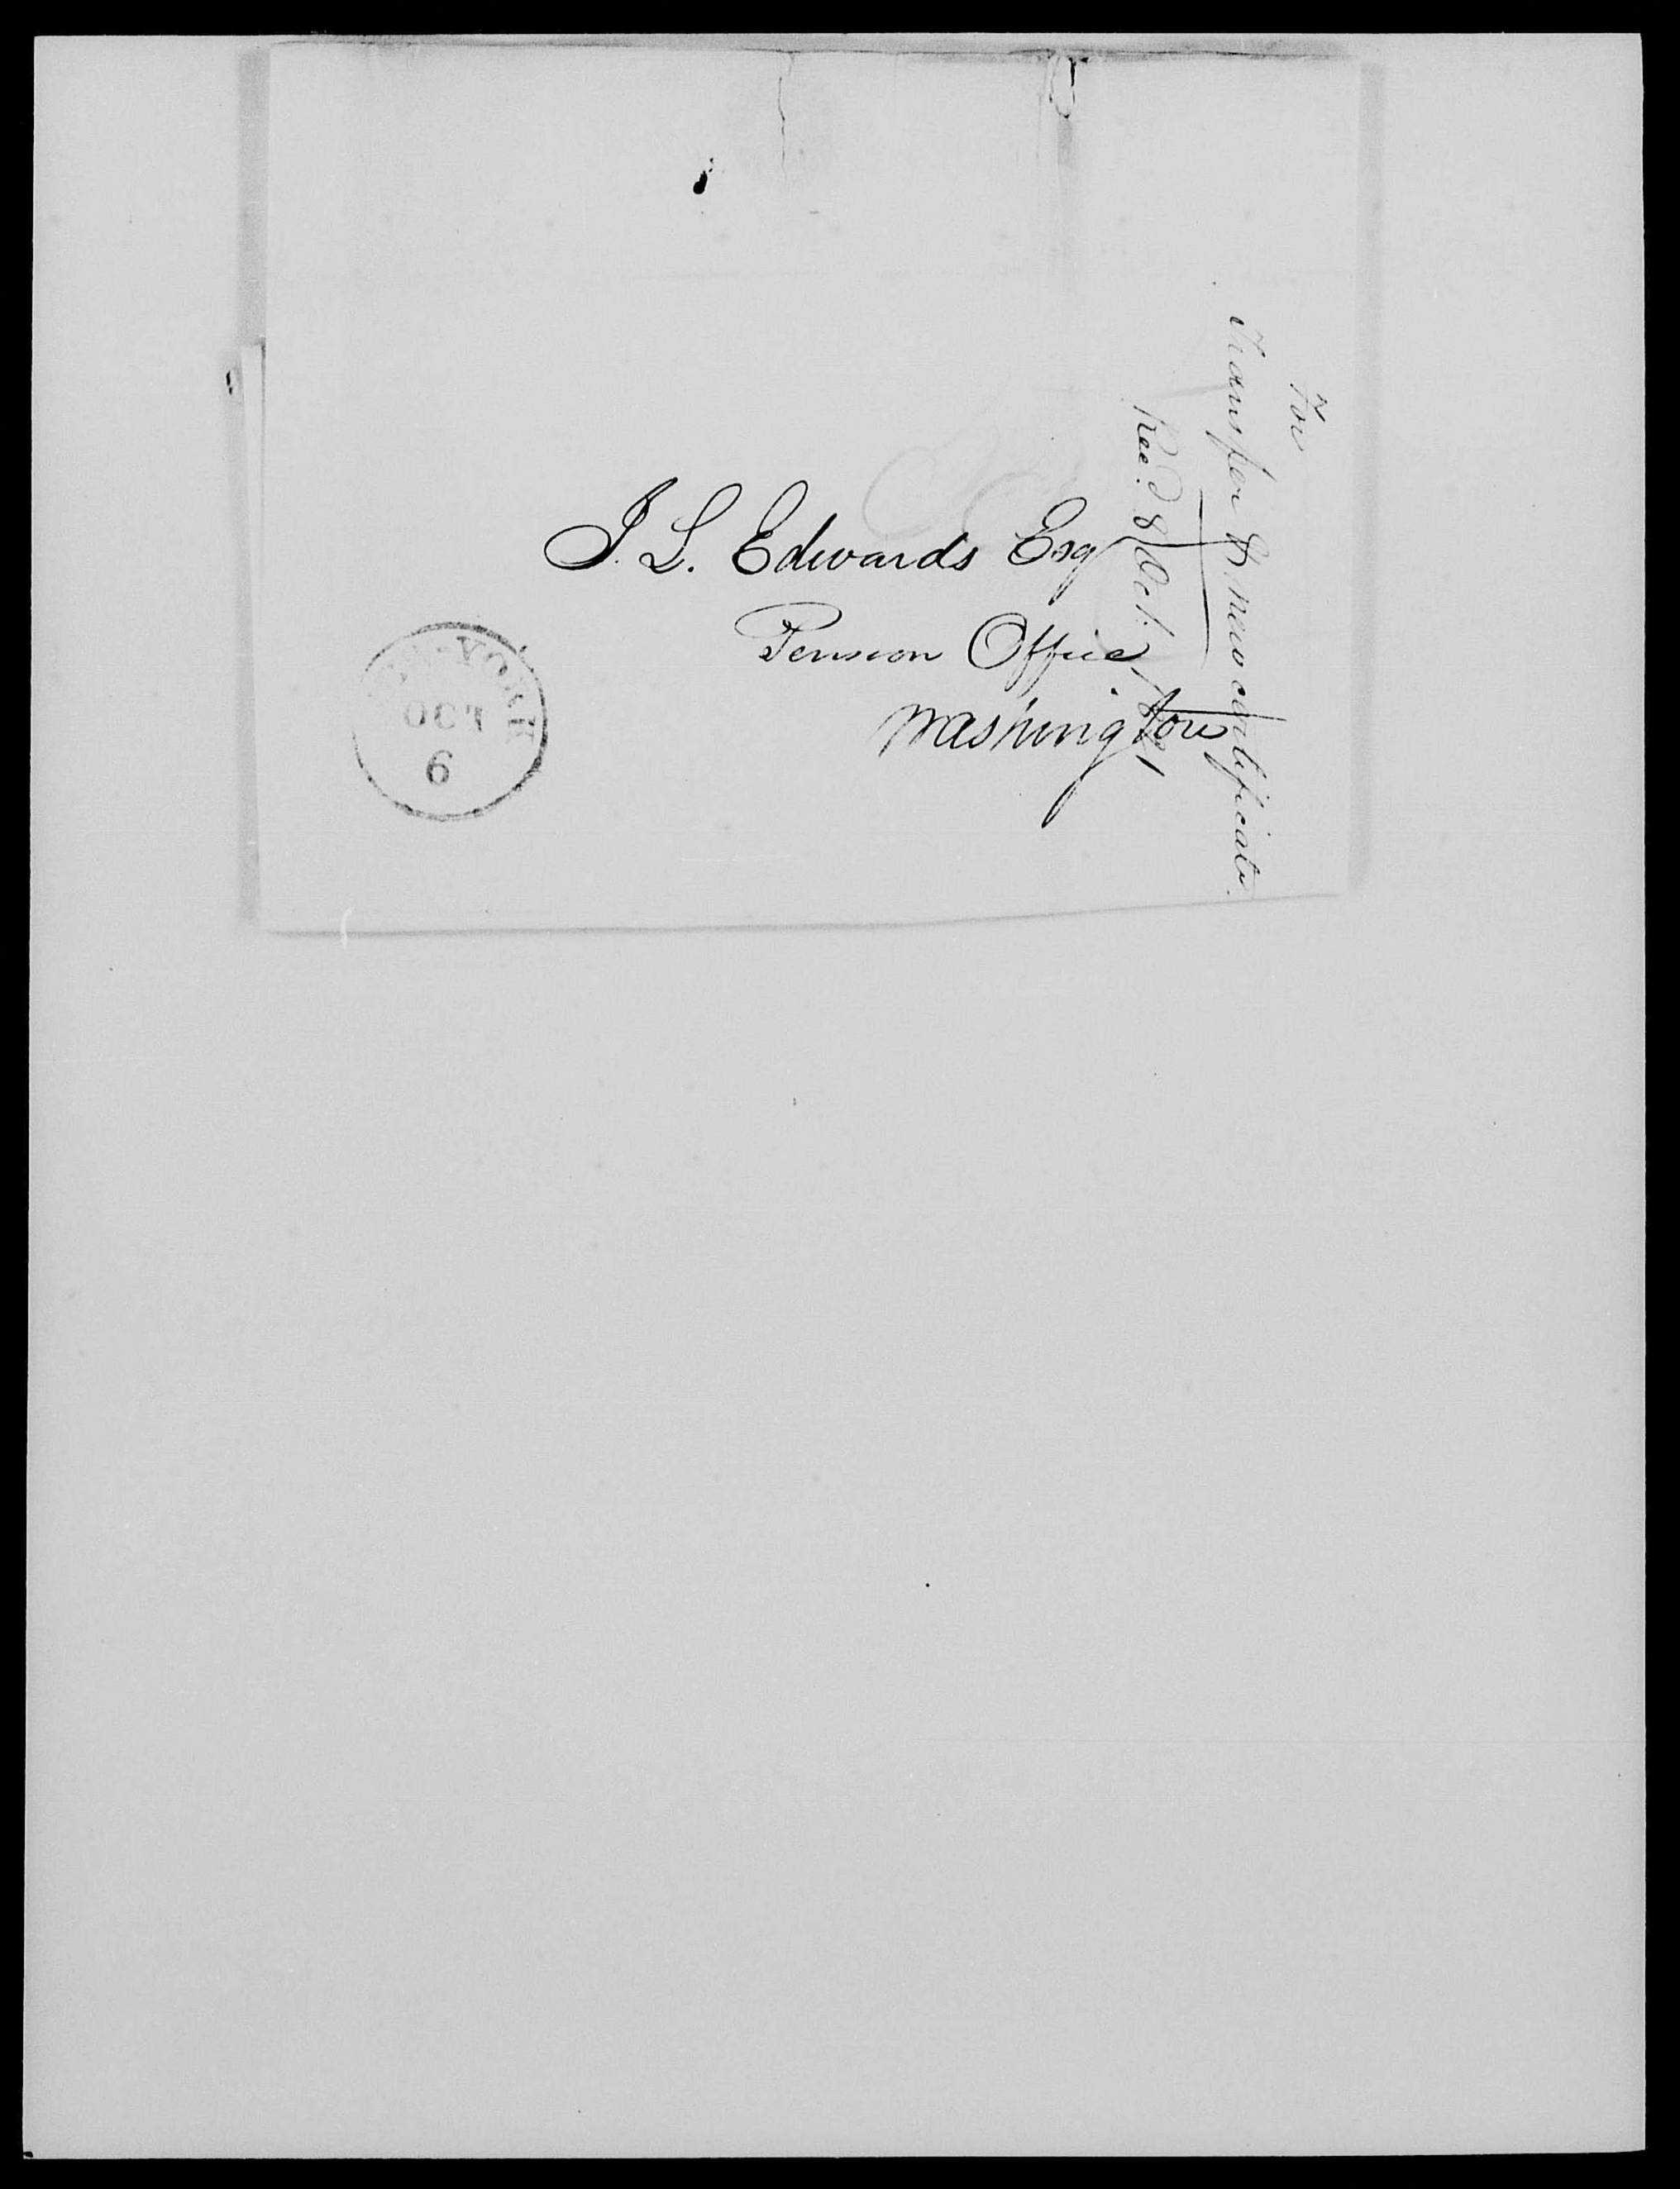J. L. Edwards Esq
Pension Office
Washington
For
Transfer to new certificate
Recd 8 Oct 1821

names: J L Edwards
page: 12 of 24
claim: survivor's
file: S. 20,926, for Daniel Provost, Connecticut